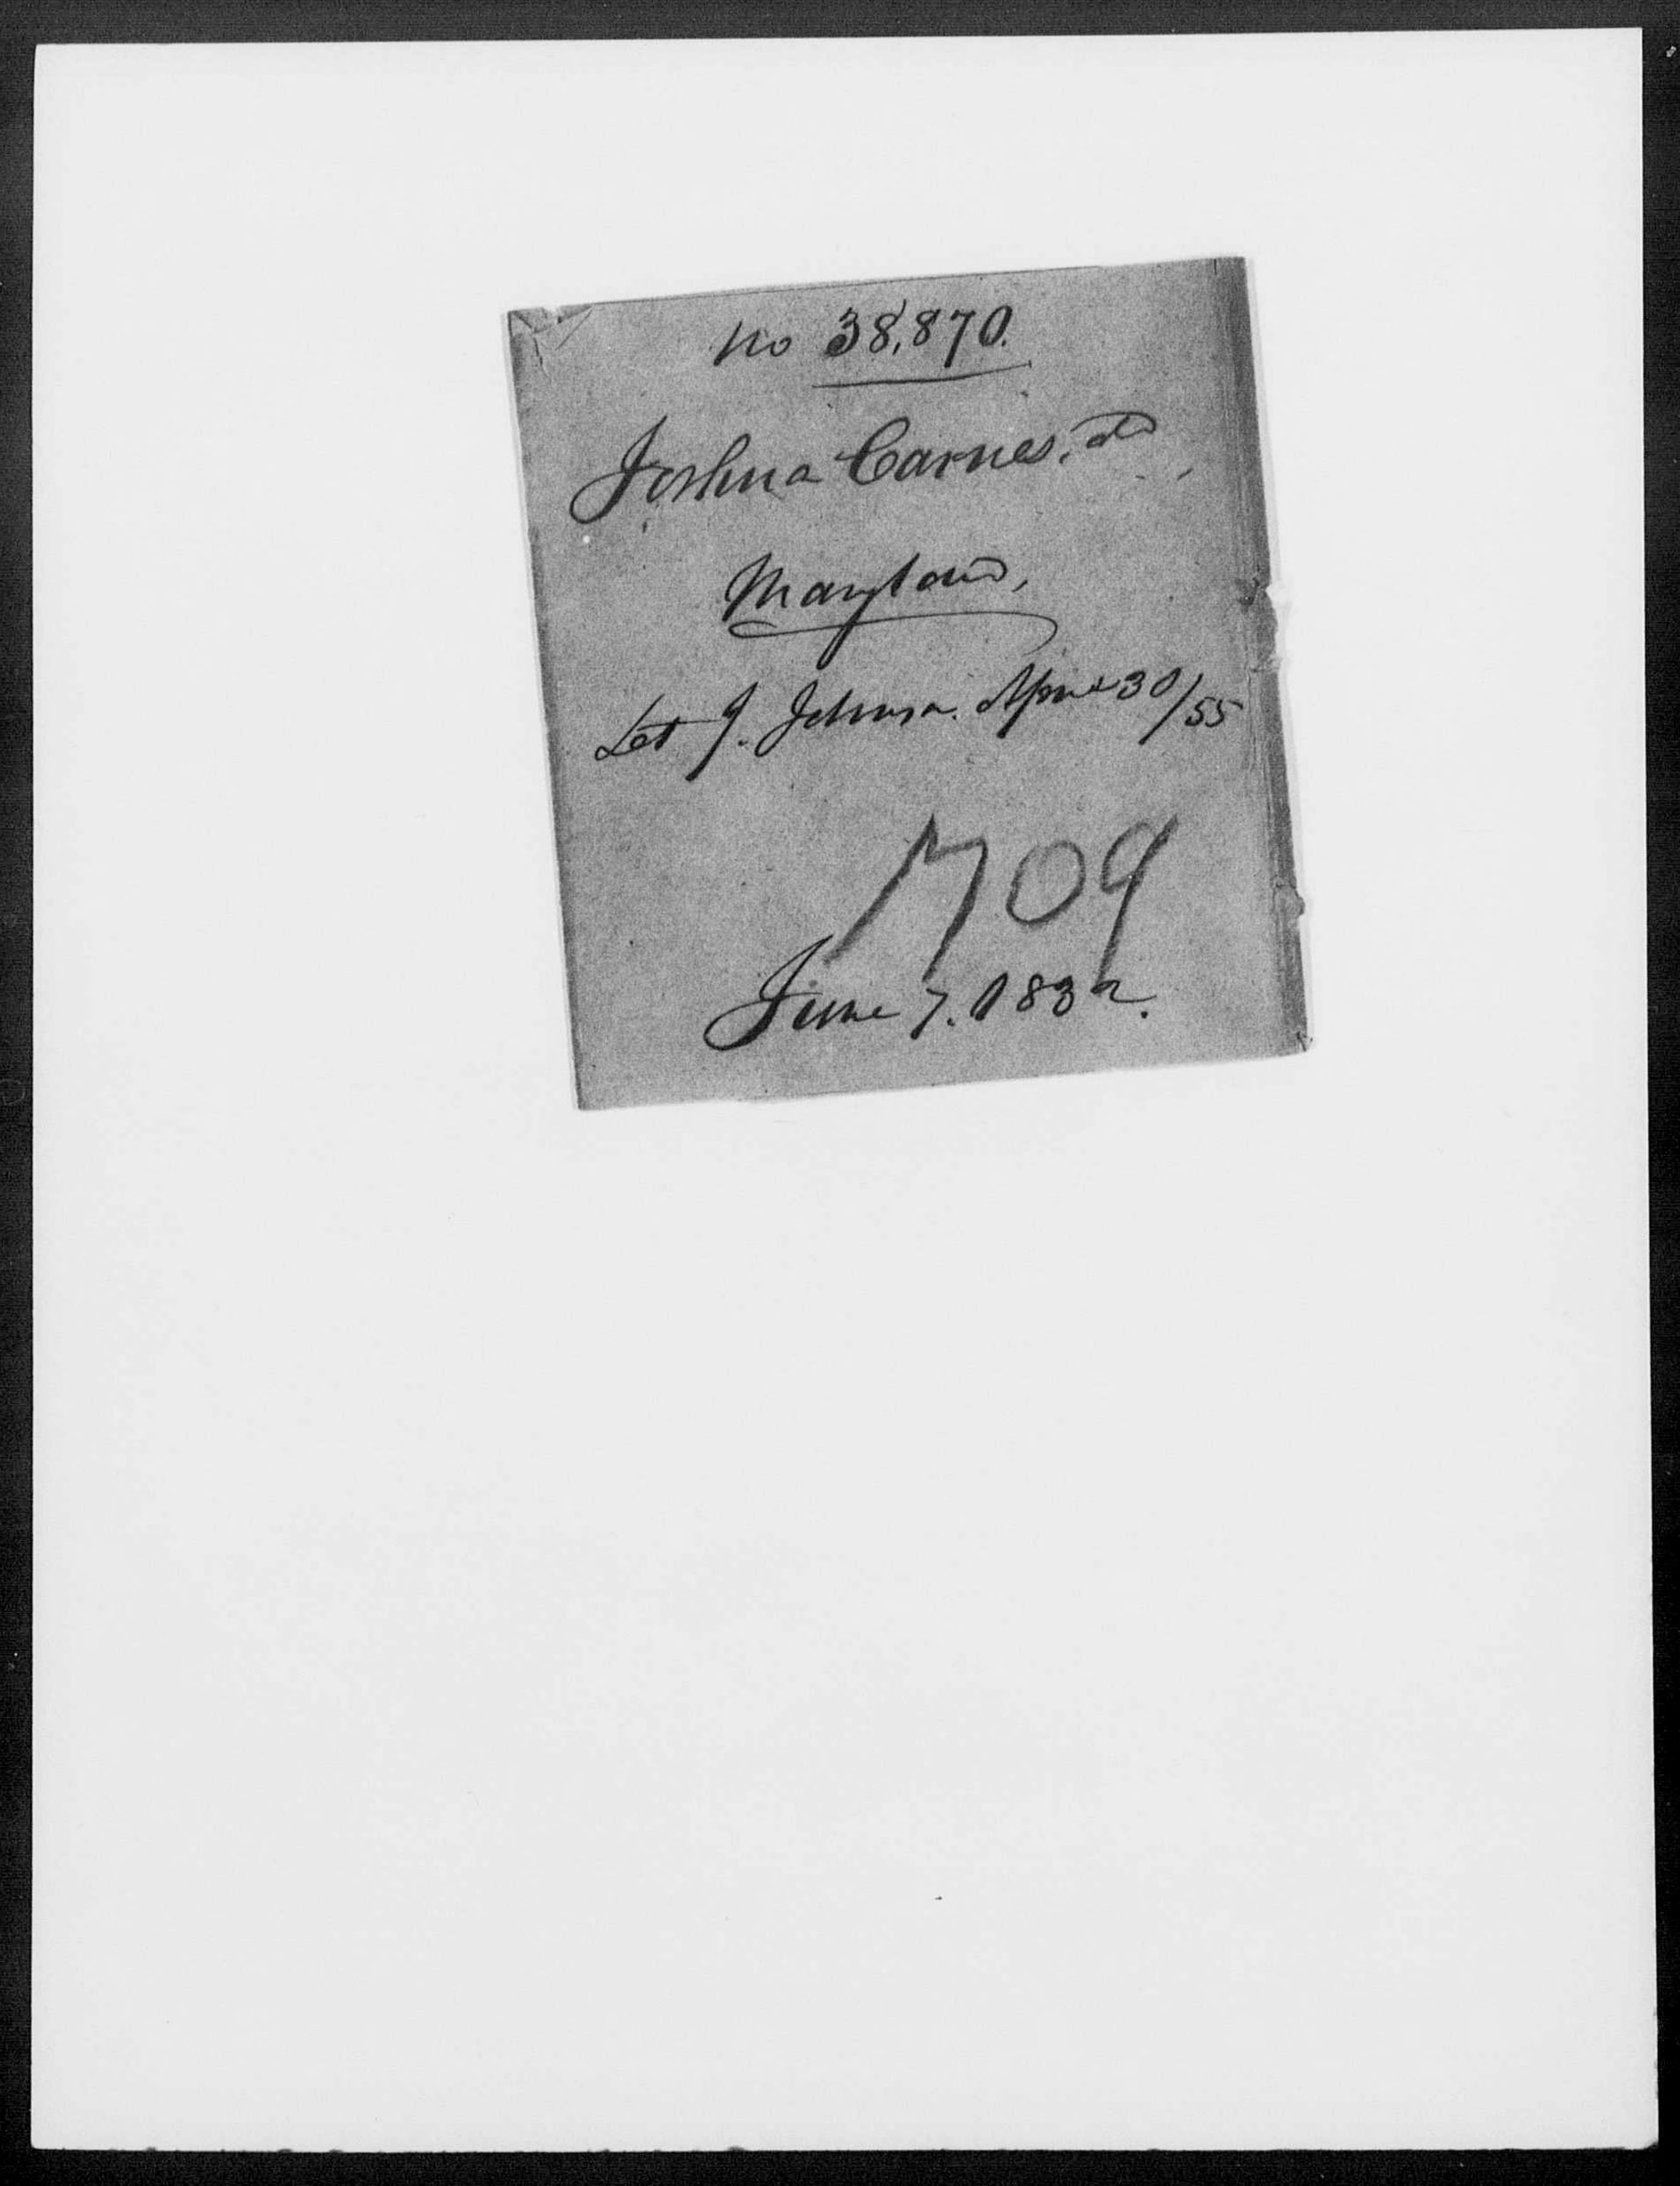No. 38870
Joshua Carnes D
Maryland
Let J. Johnson [illegible] 3055
MO9
Fine 7.0832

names: J Johnson, Joshua Carnes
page: 10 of 22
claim: rejected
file: R 1709, Joshua Carnes, Va.